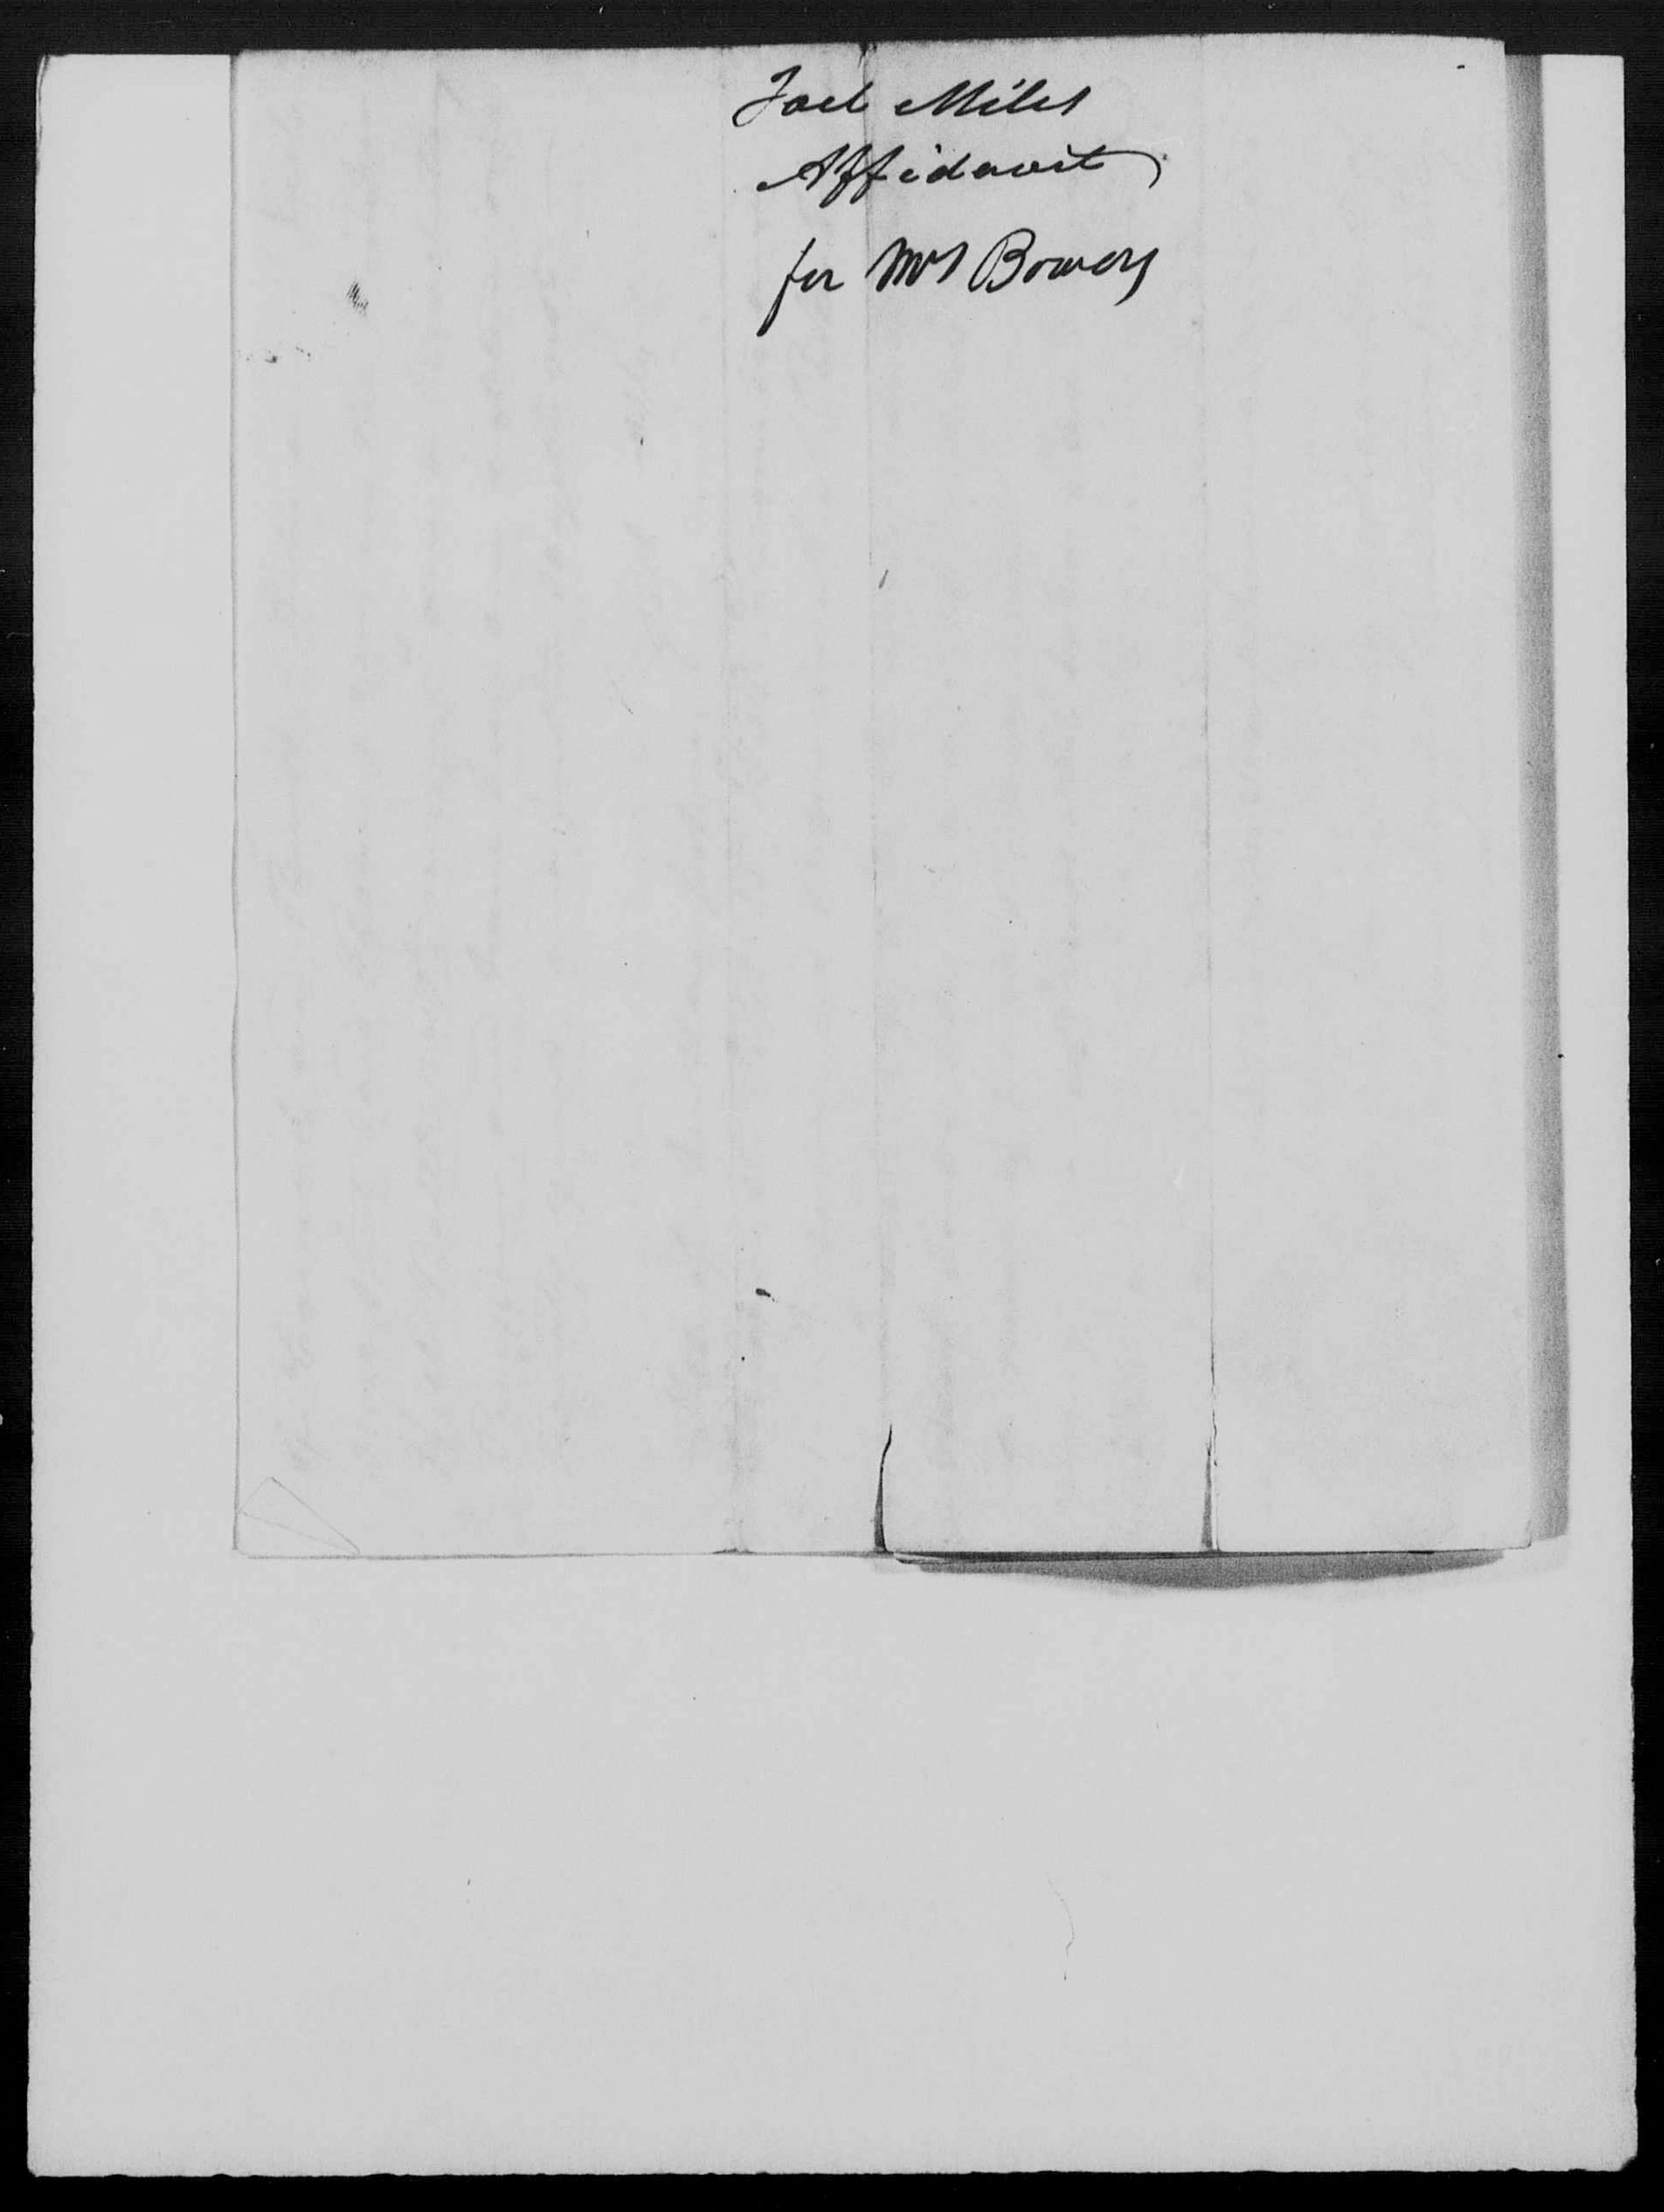Joel Miles
Affidavit
for Mr Bowers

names: Joel Miles, Bowers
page: 33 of 42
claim: widow's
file: W. 23,652, Nehemiah Bowers, Mass.